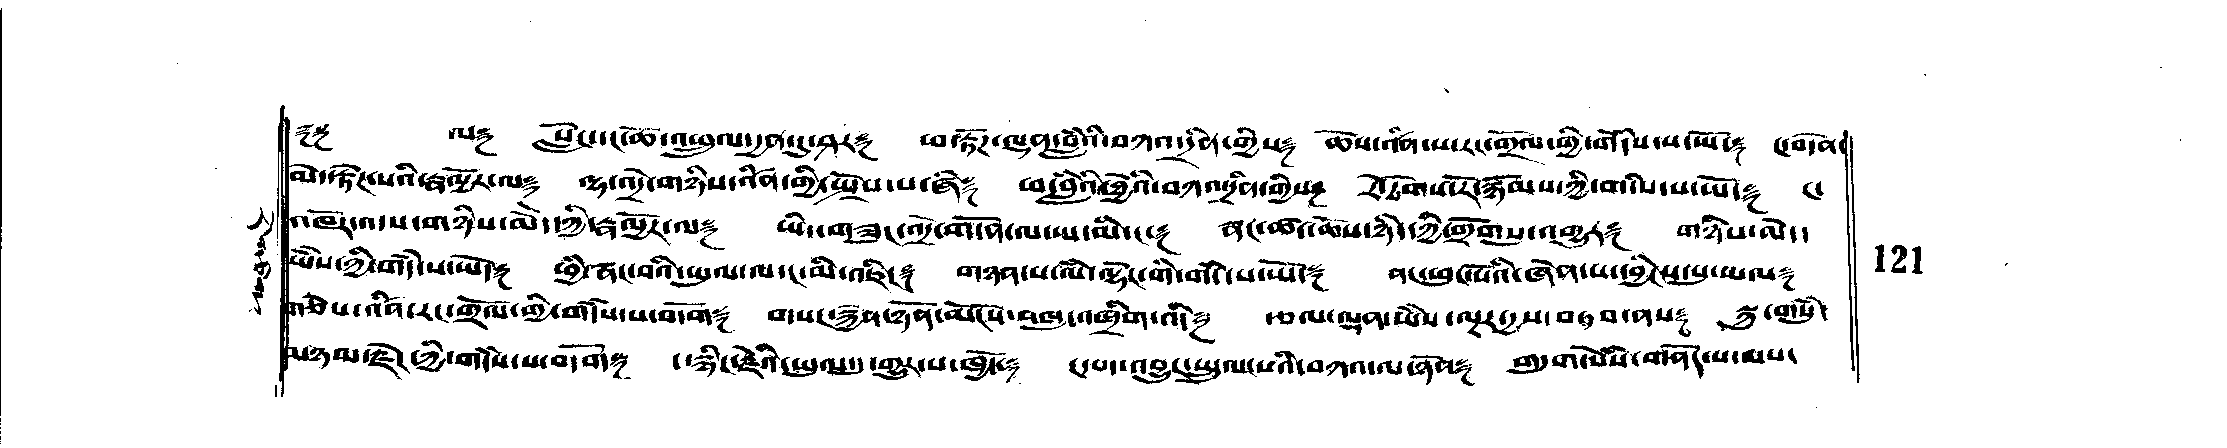ལ། །སློང་དང་ཆོ་འཕྲུལ་རྒྱན་དུ་ཤར། །ཕ་རྟོགས་ལྡན་བླ་མའི་བཀའ་དྲིན་གྱིས། །ཆོས་འཛིན་པ་རང་གྲོལ་གྱི་གདམས་པ་ཡོད། །ང་བདེན་
མེད་རྟོགས་པའི་རྣལ་འབྱོར་ལ། །ལྷ་འདྲེ་གཉིས་འཛིན་གྱི་སྤྲོས་པ་ཞི། །ཕ་བླ་མའི་ཐུགས་རྗེའི་བཀའ་དྲིན་གྱིས། །རེ་དྭོགས་རོ་སྙོམས་ཀྱི་གདམས་པ་ཡོད། །ང་
འཁོར་འདས་གཉིས་མེད་ཀྱི་རྣལ་འབྱོར་ལ། །ཡིད་གཟུགས་འདྲེ་གདོན་ལ་ཡ་མི་ང་། །སྣང་ཚད་ཆོས་ཉིད་ཀྱི་གྲོགས་སུ་གྱུར། །གཉིས་མེད་
ཡེ་ཤེས་ཀྱི་གདམས་པ་ཡོད། །ཕྱི་སྣང་བའི་ཡུལ་ལ་ང་མི་འཇིགས། །གཉན་ས་ལམ་ལྷོང་གི་གདམས་པ་ཡོད།ནང་ཕུང་པོའི་ཞེན་པ་དབྱིངས་སུ་ཡལ། །
གཅེས་འཛིན་རང་གྲོལ་གྱི་གདམས་པ་བདོག །གསང་སྐྱོན་ཉོན་མོངས་འཁུ་འཁྲིག་འདི། །རྩལ་ལྡན་ཡེ་ཤེས་ལྔར་རྒྱས་བཏབ་ནས། །སྐུ་གསུམ་
མཉམ་རྫོགས་ཀྱི་གདམས་པ་བདོག །ད་སྙིང་རྗེའི་ཡུལ་དུ་གྱུར་པ་ཁྱོད། །ང་པད་འབྱུང་སྤྲུལ་པའི་བཀའ་ལ་ཉོན། །གདུག་སེམས་གནོད་པ་ལས་